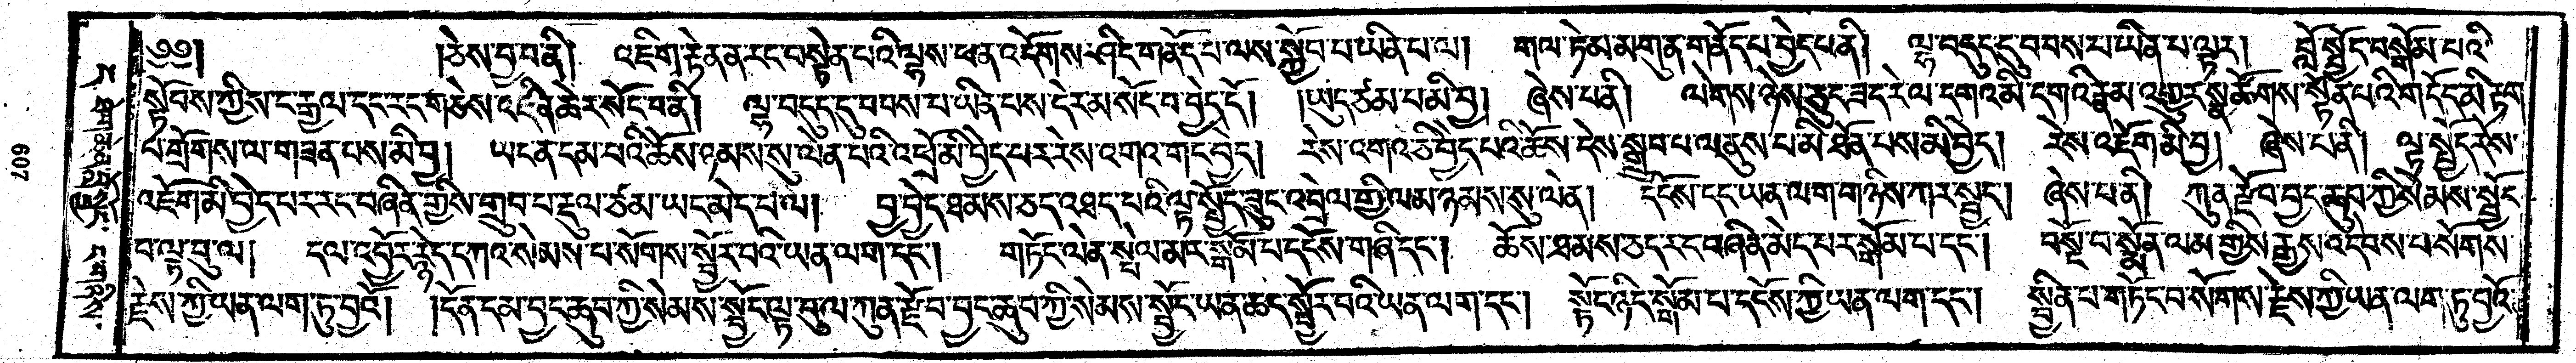༄༅། །ཅེས་བྱ་བ་ནི། འཇིག་རྟེན་ན་རང་བསྟེན་པའི་ལྷས་ཕན་འདོགས་ཤིང་གནོད་པ་ལས་སྐྱོབ་པ་ཡིན་པ་ལ། གལ་ཏེ་མ་མགུན་གནོད་པ་བྱེད་པ་ནི། ལྷ་བདུད་དུ་བབས་པ་ཡིན་པ་ལྟར། བློ་སྦྱོང་བསྒོམ་པའི་
སྟོབས་ཀྱིས་ང་རྒྱལ་དང་རང་གཅེས་འཛིན་ཆེར་སོང་བ་ནི། ལྷ་བདུད་དུ་བབས་པ་ཡིན་པས་དེར་མ་སོང་བ་བྱེད་དོ། །ཡུད་ཙམ་པ་མི་བྱ། ཞེས་པ་ནི། ལེགས་ཉེས་ཅུང་ཟད་རེ་ལ་དགའ་མི་དགའི་རྣམ་འགྱུར་སྣ་ཚོགས་སྟོན་པའི་གདོད་མི་རྟག་
པ་གྲོགས་ལ་གཟན་པས་མི་བྱ། ཡང་ན་དམ་པའི་ཆོས་ཉམས་སུ་ལེན་པའི་འཕྲོ་མི་བྱེད་པར་རེས་འགའ་གང་བྱེད། རེས་འགའ་ཅི་བྱེད་པའི་ཆོས་དེས་སྒྲུབ་པ་ལ་ནུས་པ་མི་ཐོན་པས་མི་བྱེད། རེས་འཇོག་མི་བྱ། ཞེས་པ་ནི། ལྟ་སྤྱོད་རེས་
འཇོག་མི་བྱེད་པར་རང་བཞིན་གྱིས་གྲུབ་པ་རྡུལ་ཙམ་ཡང་མེད་པ་ལ། བྱ་བྱེད་ཐམས་ཅད་འཐད་པའི་ལྟ་སྤྱོད་ཟུང་འབྲེལ་གྱི་ལམ་ཉམས་སུ་ལེན། དངོས་དང་ཡན་ལག་གཉིས་ཀར་སྤྱད། ཞེས་པ་ནི། ཀུན་རྫོབ་བྱང་ཆུབ་ཀྱི་སེམས་སྦྱོང་
པ་ལྟ་བུ་ལ། དལ་འབྱོར་རྙེད་དཀའ་སེམས་པ་སོགས་སྦྱོར་བའི་ཡན་ལག་དང་། གཏོང་ལེན་སྤེལ་མར་སྒོམ་པ་དངོས་གཞི་དང་། ཆོས་ཐམས་ཅད་རང་བཞིན་མེད་པར་སྒོམ་པ་དང་། བསྔོ་བ་སྨོན་ལམ་གྱིས་རྒྱས་འདེབས་པ་སོགས་
རྗེས་ཀྱི་ཡན་ལག་ཏུ་བྱའོ། །དོན་དམ་བྱང་ཆུབ་ཀྱི་སེམས་སྦྱོང་ལྟ་བུ་ལ་ཀུན་རྫོབ་བྱང་ཆུབ་ཀྱི་སེམས་སྦྱོང་ཡན་ཆད་སྦྱོར་བའི་ཡན་ལག་དང་། སྟོང་ཉིད་སྒོམ་པ་དངོས་ཀྱི་ཡན་ལག་དང་། སྦྱིན་པ་གཏོང་བ་སོགས་རྗེས་ཀྱི་ཡན་ལག་ཏུ་བྱའོ་